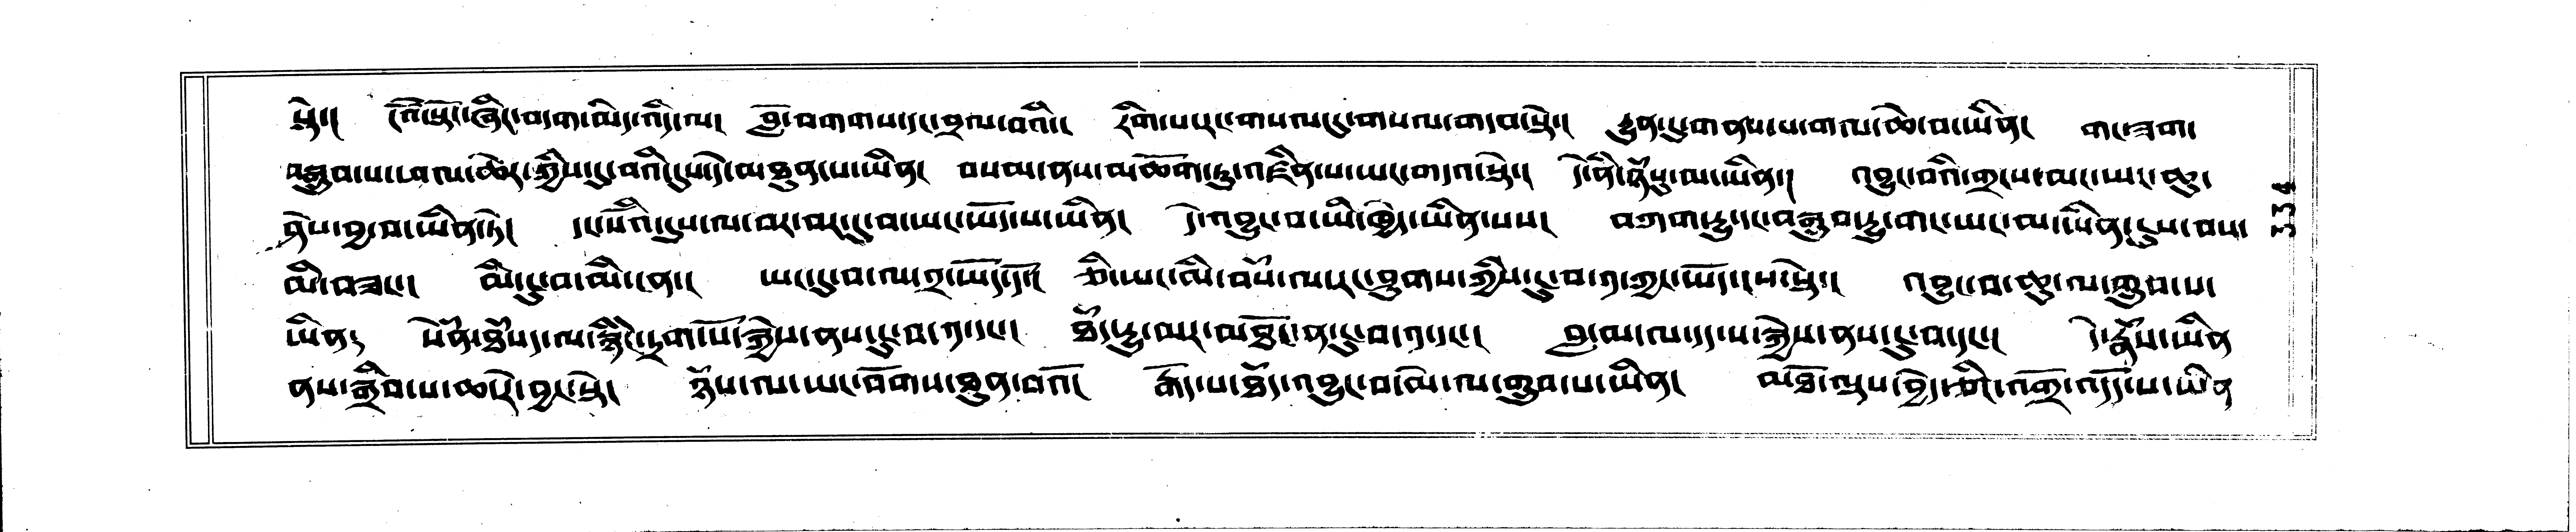སྟེ། ངོའོ་སྟོང་ཞིང་བདག་མེད་འདི་ལ་བློ་བག་ཆགས་དང་བྲལ་བ་འདི་རིག་པ་རང་གསལ་དུ་གསལ་བཏབ་སྟེ། རྒྱུན་དུ་གནས་པ་གལ་ཆེ་བ་ཡིན། གང་ཟག་
བསྒྲུབ་པ་པོ་ཕལ་ཆེས་ཀྱིས། ངུ་བའི་དུས་ལ་དེ་མཐོན་པོ་ཡིན་བསམ་ནས་མཆོག་ཏུ་འཛིན་པ་ཡང་གདའ་སྟེ། དེ་ནི་ཉམས་མ་ཡིན། འབྱུང་པའི་གྲང་མ་ལ་ཆུ་
ཤས་བྱ་༼ཆེ༽བ་ཡིན་ཏེ། དང་པོ་༼པོའི༽དུས་ལ་བར་བར་དུ་ངུ་བ་ཡང་ཡོད་པ་ཡིན། དེ་འབྱུང་པའི་ཁྱད་ཡིན་པས་བཀག་རྒྱུ་དང་བསྒྲུབ་རྒྱུ་དང་གང་ཡང་མ་ཡིན། ངུས་པས་
མི་བཟང་། མ་ངུས་པས་མི་ངན། ཡང་ངུ་བ་ལའང་གཉིས་སུ་ཡོད་དོ། ཅི་ཡང་མི་བསམ་པར་རང་ཤུགས་ཀྱིས་ངུ་བ་ཅིག་ཡོད་པ་དེ། འབྱུང་བ་ཆུ་ལ་གྲུབ་པ་
ཡིན། སེམས་ཅན་ཐམས་ཅད་ལ་སྙིང་རྗེ་དྲག་པོ་སྐྱེས་ནས་ངུ་བ་ཅིག་དང། ཐམས་ཅད་སྒྱུ་མར་མཐོང་ནས་ངུ་བ་དང་། བླ་མ་ལ་དད་པ་སྐྱེས་ཏེ་ངུ་བ་དང་། དེ་རྣམས་ཡིན་
ན། སྒྲིབ་ཆ་རེ་བྱང་སྟེ། ཉམས་ལ་བོག་ཐོན་པའོ། རྒོད་པ་ཐམས་ཅད་འབྱུང་པ་མེ་ལས་གྲུབ་པ་ཡིན། མཐོ་ལྟས་བྱེད་ཅིང་འགྲོ་འདོད་པ་